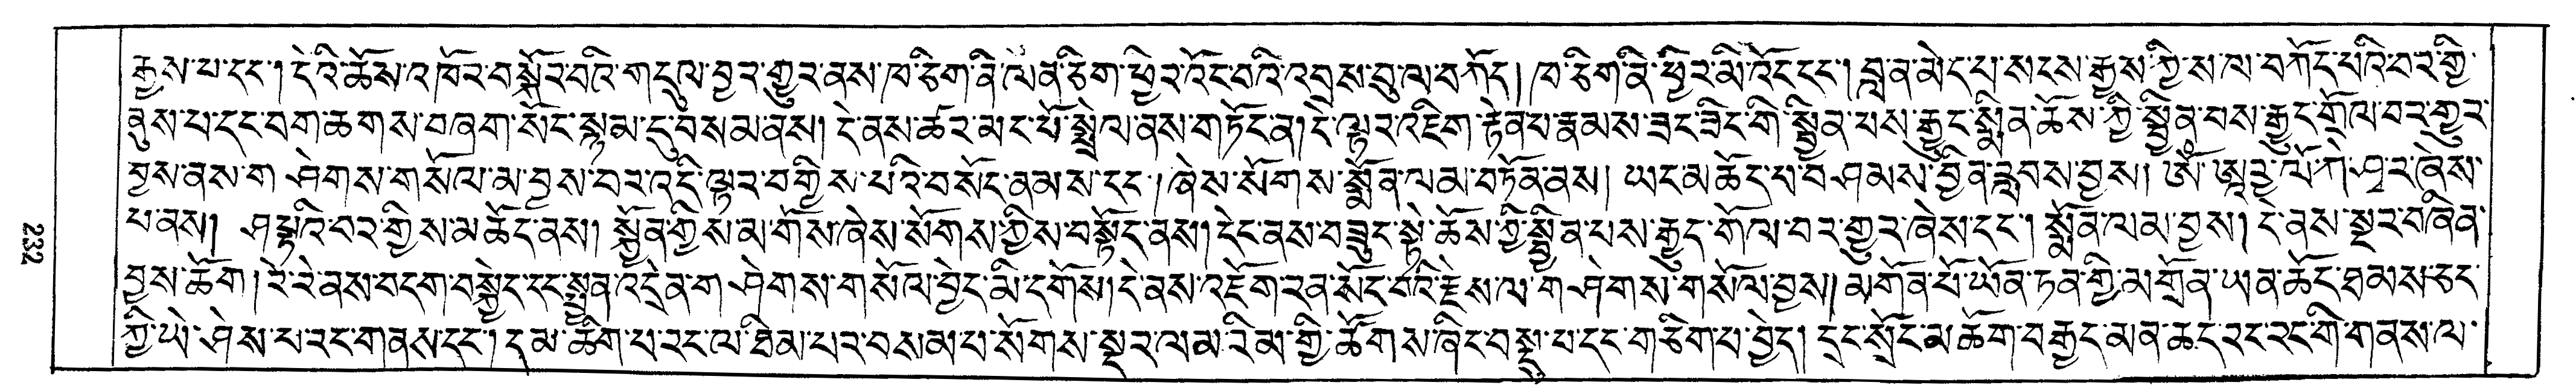རྒྱས་པ་དང་། དེའི་ཆོས་འཁོར་བསྐོར་བའི་གདུལ་བྱར་གྱུར་ནས་ཁ་ཅིག་ནི་ལན་ཅིག་ཕྱིར་འོང་བའི་འབྲས་བུ་ལ་བཀོད། ཁ་ཅིག་ནི་ཕྱིར་མི་འོང་དང་། བླ་ན་མེད་པ་སངས་རྒྱས་ཀྱི་ས་ལ་བཀོད་པའི་བར་གྱི་
ནུས་པ་དང་བག་ཆགས་བཞག་སོང་སྙམ་དུ་བསམ་ནས། དེ་ནས་ཚར་མང་པོ་སྦྲེལ་ནས་གཏོང་ན། དེ་ལྟར་འཇིག་རྟེན་པ་རྣམས་ཟང་ཟིང་གི་སྦྱིན་པས་རྒྱུད་སྨིན་ཆོས་ཀྱི་སྦྱིན་བས་རྒྱུད་གྲོལ་བར་གྱུར་
བྱས་ནས་གཤེགས་གསོལ་མ་བྱས་པར་འདི་ལྟར་བགྱིས་པའི་བསོད་ནམས་དང་། ཞེས་སོགས་སྨོན་ལམ་བཏོན་ནས། ཡང་མཆོད་པ་བཤམས་བྱིན་རླབས་བྱས། ཨོཾ་ཨཱརྱ་ལོ་ཀེ་ཤྭ་ར་ཞེས་
པ་ནས། ཤཔྟའི་བར་གྱིས་མཆོད་ནས། སྐྱོན་གྱིས་མ་གོས་ཞེས་སོགས་ཀྱིས་བསྟོད་ནས། དེང་ནས་བཟུང་སྟེ་ཆོས་ཀྱི་སྦྱིན་པས་རྒྱུད་གྲོལ་བར་གྱུར་ཞེས་དང་། སྨོན་ལམ་བྱས། དེ་ནས་སྔར་བཞིན་
བྱས་ཆོག། རེ་རེ་ནས་བདག་བསྐྱེད་དང་སྦྱན་འདྲེན་གཤེགས་གསོལ་བྱེད་མི་དགོས། དེ་ནས་འཇོག་རན་སོང་བའི་རྗེས་ལ་གཤེགས་གསོལ་བྱས། མགོན་པོ་ཡོན་ཏན་གྱི་མགྲོན་ཡན་ཆོད་ཐམས་ཅད་
ཀྱི་ཡེ་ཤེས་པ་རང་གནས་དང་། དམ་ཚིག་པ་རང་ལ་ཐིམ་པར་བསམ་པ་སོགས་སྔར་ལམ་རིམ་གྱི་ཚོགས་ཞིང་བསྡུ་བ་དང་གཅིག་པ་བྱེད། དྲང་སྲོང་མཆོག་བརྒྱད་མན་ཆད་རང་རང་གི་གནས་ལ་